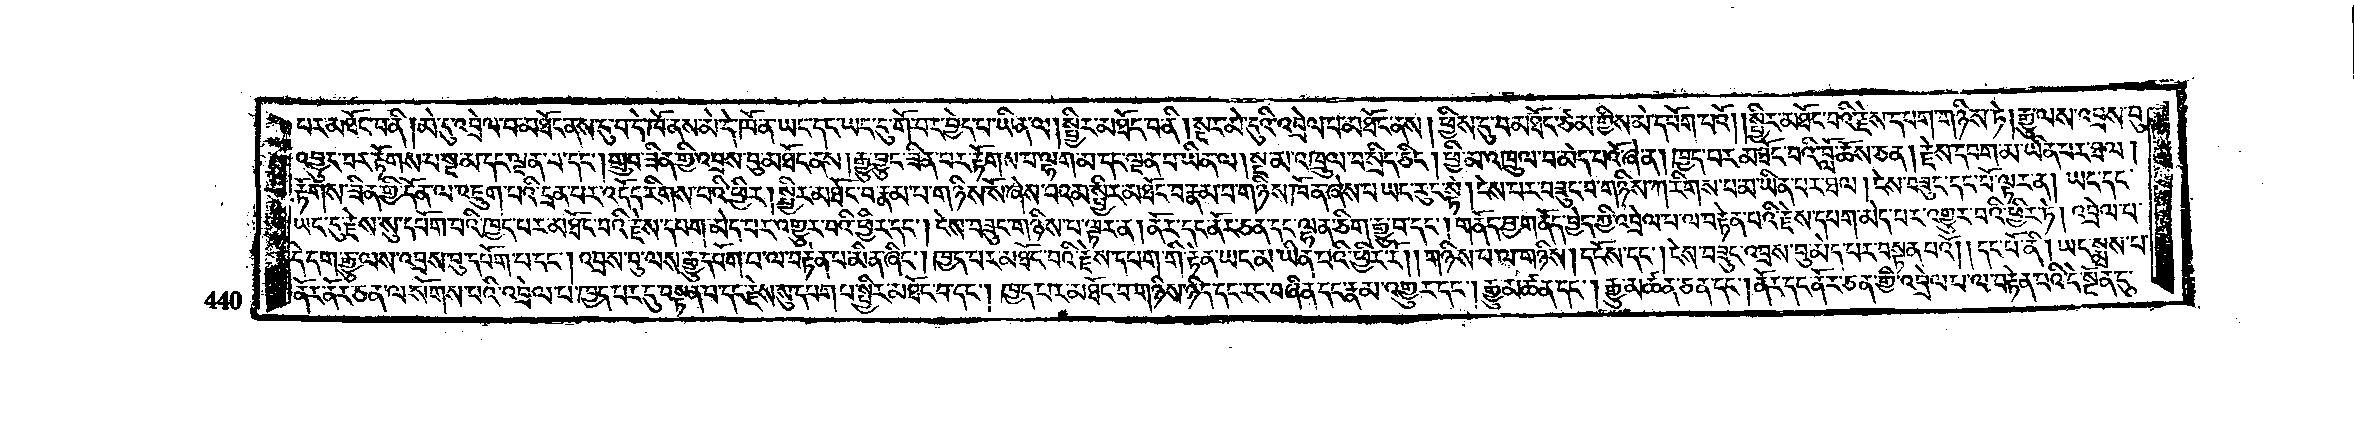པར་མཐོང་བ་ནི། མེ་དུ་འབྲེལ་བ་མཐོང་ནས་དུ་བ་དེ་ཁོ་ནས་མེ་དེ་ཁོ་ན་ཡང་དང་ཡང་དུ་གོ་བར་བྱེད་པ་ཡིན་ལ། སྤྱིར་མཐོང་བ་ནི། སྔར་མེ་དུའི་འབྲེལ་པ་མཐོང་ནས། ཕྱིས་དུ་བ་མཐོང་ཙམ་གྱིས་མེ་དཔོག་པའོ། །སྤྱིར་མཐོང་བའི་རྗེས་དཔག་གཉིས་ཏེ། རྒྱུ་ལས་འབྲས་བུ་
འབྱུང་བར་རྟོགས་པ་སྔ་མ་དང་ལྡན་པ་དང་། གྲུབ་ཟིན་གྱི་འབྲས་བུ་མཐོང་ནས། རྒྱུ་བྱུང་ཟིན་པར་རྟོགས་པ་ལྷག་མ་དང་ལྡན་པ་ཡིན་ལ། སྔ་མ་འཁྲུལ་བ་སྲིད་ཅིང་། ཕྱི་མ་འཁྲུལ་བ་མེད་པའོ་ཞེ་ན། ཁྱད་པར་མཐོང་བའི་བློ་ཆོས་ཅན། རྗེས་དཔག་མ་ཡིན་པར་ཐལ།
རྟོགས་ཟིན་གྱི་དོན་དོན་ལ་འཇུག་པའི་དྲན་པར་འདོད་རིགས་པའི་ཕྱིར། སྤྱིར་མཐོང་བ་རྣམ་པ་གཉིས་སོ་ཞེས་པའམ་སྤྱིར་མཐོང་བ་རྣམ་བ་གཉིས་ཁོ་ན་ཞེས་པ་ཡང་རུང་སཏ།ཨེ་ངེས་པར་བཟུང་བ་གཉིས་ཀ་རིགས་པ་མ་ཡིན་པར་ཐལ། ངེས་བཟུང་དང་པོ་ལྟར་ན། ཡང་དང་
ཡང་དུ་རྗེས་སུ་དཔོག་པའི་ཁྱད་པར་མཐོང་བའི་རྗེས་དཔག་མེད་པར་འགྱུར་བའི་ཕྱིར་དང་། ངེས་བཟུང་གཉིས་པ་ལྟར་ན། ནོར་དང་ནོར་ཅན་དང་ལྷག་ཅིག་རྒྱུ་བ་དང་། གནོད་བྱ་གནོད་བྱེད་ཀྱི་འབྲེལ་པ་ལ་བརྟེན་པའི་རྗེས་དཔག་མེད་པར་འགྱུར་བའི་ཕྱིར་ཏེ། འབྲེལ་བ་
དེ་དག་རྒྱུ་ལས་འབྲས་བུ་དཔོག་པ་དང་། འབྲས་བུ་ལས་རྒྱུ་དཔོག་པ་ལ་བརྟེན་པ་མིན་ཞིང་། ཁྱད་པར་མཐོང་བའི་རྗེས་དཔག་གི་རྟེན་ཡང་མ་ཡིན་པའི་ཕྱིར་རོ། །གཉིས་པ་ལ་གཉིས། དངོས་དང་། ངེས་བཟུང་འབྲས་བུ་མེད་པར་བསྟན་པའོ། །དང་པོ་ནི། ཡང་སྨྲས་པ་
ནོར་ནོར་ཅན་ལ་སོགས་པའི་འབྲེལ་པ་ཁྱད་པར་དུ་བསྟན་པ་དང་རྗེས་སུ་དཔག་པ་སྤྱིར་མཐོང་བ་དང་། ཁྱད་པར་མཐོང་བ་གཉིས་ཉིད་དང་རང་བཞིན་དང་རྣམ་འགྱུར་དང་རྒྱུ་མཚན་དང་། རྒྱུ་མཚན་ཅན་དང་། ནོར་དང་ནོར་ཅན་གྱི་འབྲེལ་པ་ལ་བརྟེན་པའི་དེ་སྔོན་དུ་